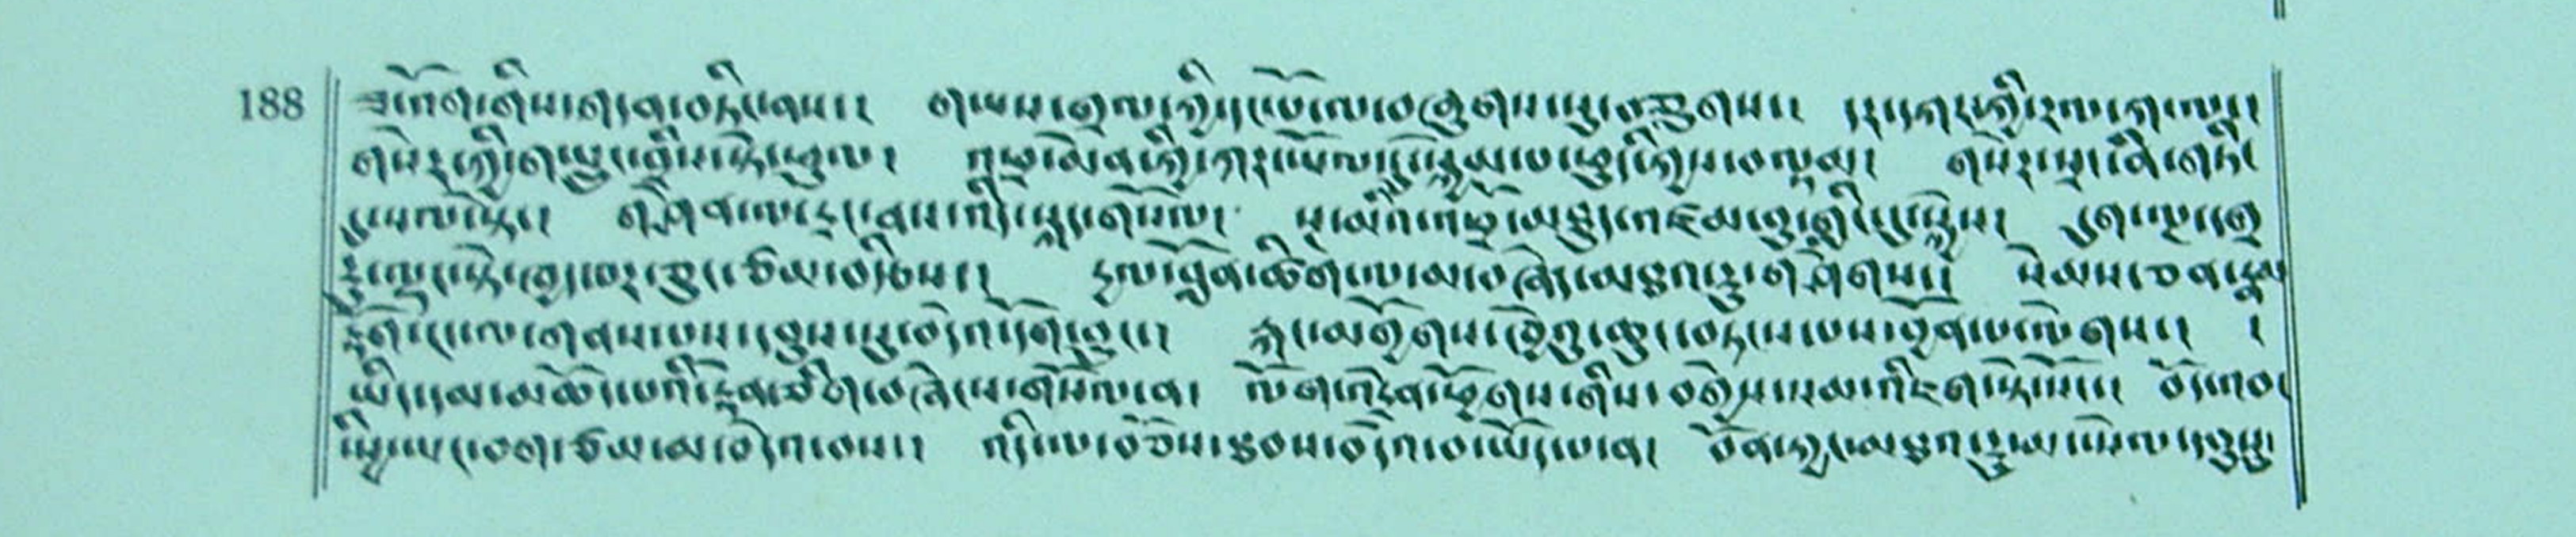ཟ་འོག་གིས་གདན་བཏིང་ནས། གཡས་གྲལ་གྱི་དང་པོ་ལ་གཞུགས་སུ་བཅུགས། དར་དཀར་གྱི་རལ་ཀ་ལ་
གསེར་གྱི་གཡུང་དྲུང་བྲིས་ཏེ་ཕུལ། འཕྲ་མེན་གྱི་དཀར་ཡོལ་དུ་སྐྱེམ་པ་ཕུད་ཀྱིས་བལྟམ། གསེར་སྲང་ནི་གཏིང་
དུ་སལ་ཏེ། གཤེན་ལ་དྲང་ནས་འདི་སྐད་གསོལ། སྔ་མའི་འཕྲོ་མཐུད་འཛམ་བུ་གླིང་དུ་སྐྱེས། དུག་ལྔ་དགྲ་
རུ་ལྡང་སྟེ་ཁྱད་པར་ཅུང་ཙམ་བརྩིས། རྒྱལ་བློན་ཚིག་ལ་མ་བཞེད་མཐའ་རུ་གཤེགས། སེམས་ཅན་རྣམ་
རྟོག་ངང་ལ་གནས་པས་དབུས་སུ་བདེའ་དོགས་བྱུང་། རྐང་མགྱོགས་ཁྱེའུ་ཆུང་བཏངས་པས་བྱོན་པ་ལེགས། 
ཡི་དམ་མཆོད་པའི་རྟེན་ཅིག་བཞེངས་གསོལ་ན། ལོག་འདྲེན་ཕྱོགས་ཀྱིས་བགྱེས་སམ་འཇིག་ཏེ་སོང་། བོད་འབངས་
སྤྱི་ཡང་བག་ཙམ་མ་བདེའ་བས། འདི་ལ་བཅོས་ཐབས་བདེ་བ་ཡོད་པ་ན། བོན་ཀྱང་མཐའ་རུ་མ་སྤེལ་དབུས་སུ་